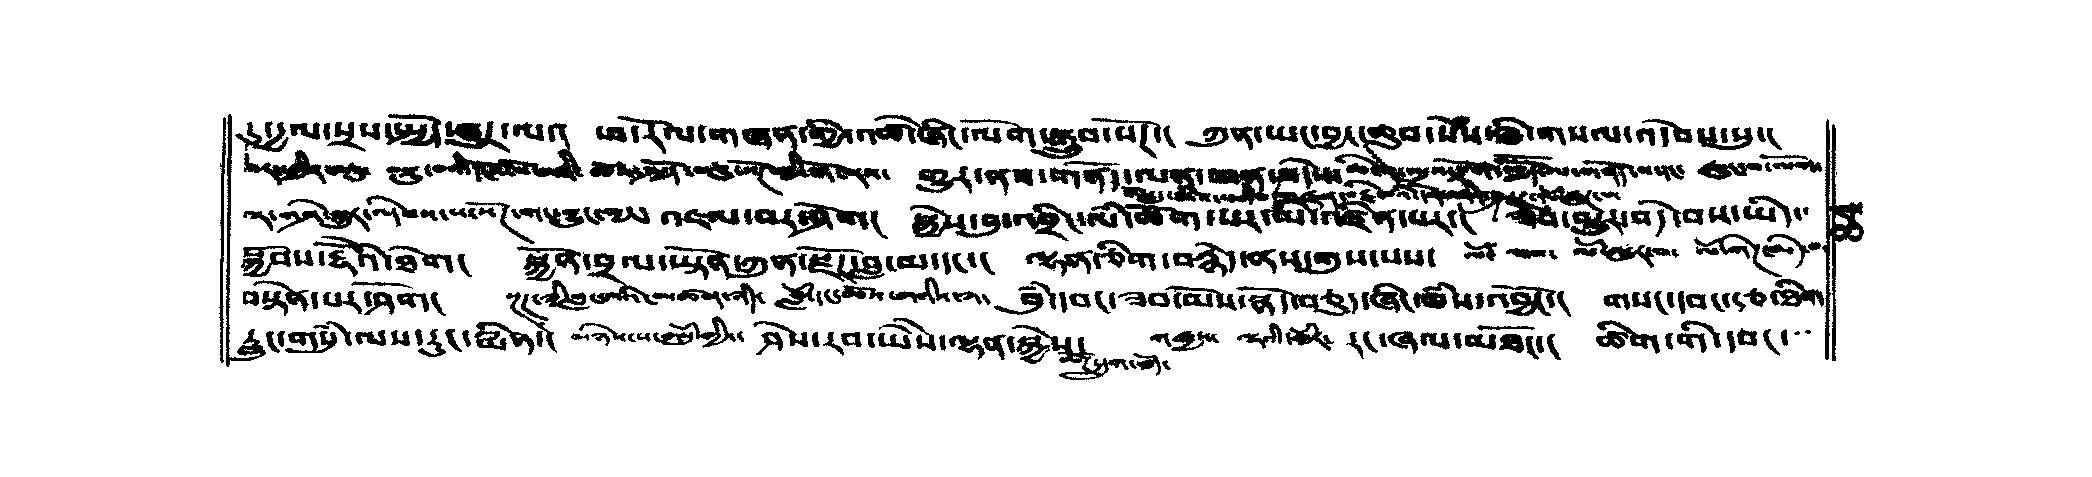དུ་རྒྱལ་སྲས་སྤྱོད་ཞུགས་ལ། །ཕ་རོལ་གཞན་གྱི་འཚེ་ཞིང་ལོག་བསྒྲུབ་སོགས། །ཀུན་ཡང་བྱང་ཆུབ་སེམས་ཀྱི་གསལ་འདེབས་སུ། །
གྱུར་ནས་གནོད་ལན་ཕན་བདེས་འཇལ་བར་ཤོག །
སྐྱེས་བུ་འབྲིང་ལམ་ཆོག་པར་མི་འཛིན་པར། །ཟབ་མྱུར་བདེ་བས་ཡིད་
སྐྱོབས་རྡོ་རྗེའི་ཐེག །སྐྱོན་བྲལ་ཡོན་ཏན་ཀུན་རྫོགས་བླ་མ་དང་། །ལྷན་ཅིག་བརྙེད་ནས་གུས་པས་
བསྟེན་པར་ཤོག །བུམ་དབང་ཟབ་མོས་སྣོད་བཅུད་ཞིང་ཁམས་འབྱོང་། །གསང་དབང་རྩ་ཐིག་
རླུང་གསུམ་ལས་རུང་སྨིན། །ཤེས་རབ་ཡེ་ཤེས་ལྷན་སྐྱེས་རང་ཞལ་མཐོང་། །ཚིག་གི་དབང་